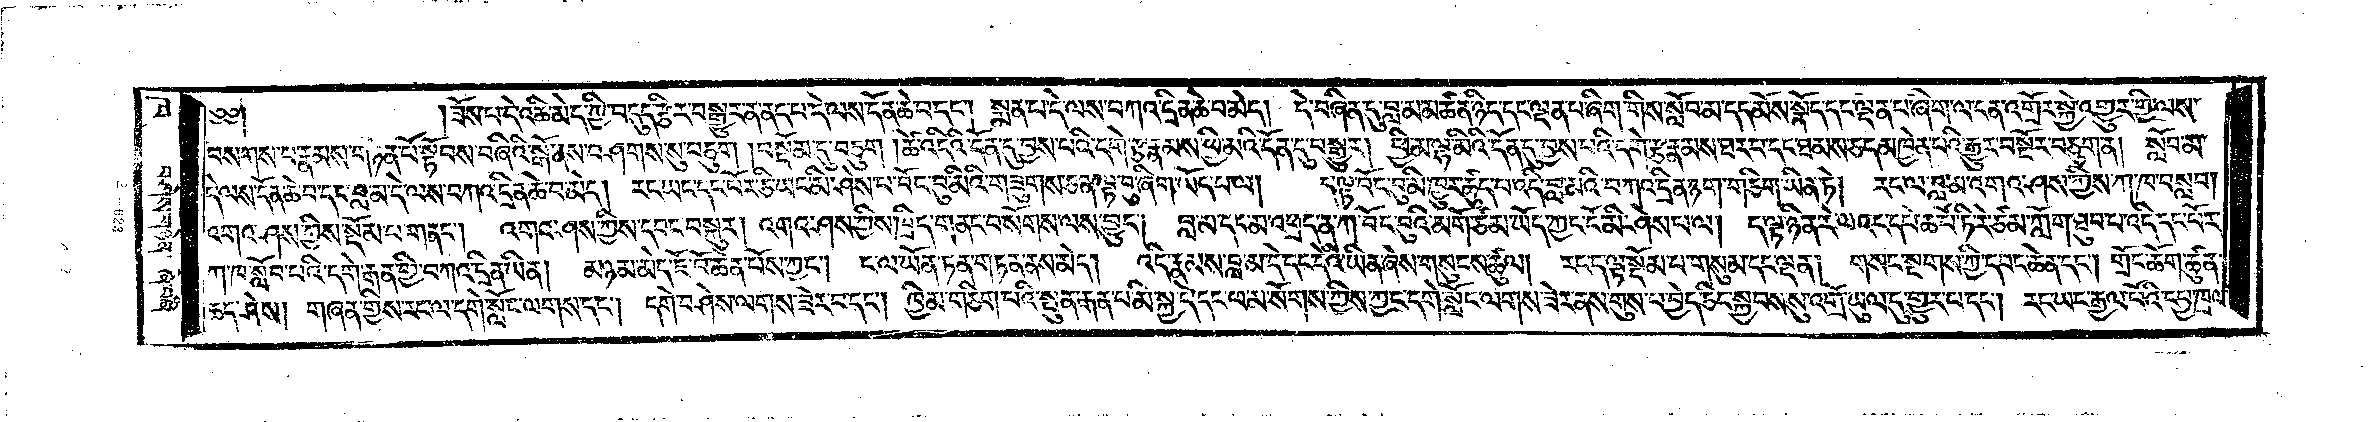༄༅། །ཟོས་པ་དེ་འཆི་མེད་ཀྱི་བདུད་རྩིར་བསྒྱུར་ན་ནད་པ་དེ་ལས་དོན་ཆེ་བ་དང་། སྨན་པ་དེ་ལས་བཀའ་དྲིན་ཆེ་བ་མེད། དེ་བཞིན་དུ་བླ་མ་མཚན་ཉིད་དང་ལྡན་པ་ཞིག་གིས་སློབ་མ་དད་མོས་སྣོད་དང་ལྡན་པ་ཞིག་ལ་ངན་འགྲོར་སྐྱེ་འགྱུར་གྱི་ལས་
བསགས་པ་རྣམས་གཉན་པོ་སྟོབས་བཞིའི་སྒོ་ནས་བཤགས་སུ་བཅུག །བསྡོམ་དུ་བཅུག །ཚེ་འདིའི་དོན་དུ་བྱས་པའི་དགེ་རྩ་རྣམས་ཕྱི་མའི་དོན་དུ་བསྒྱུར། ཕྱི་མ་ལྷ་མིའི་དོན་དུ་བྱས་པའི་དགེ་རྩ་རྣམས་ཐར་པ་དང་ཐམས་ཅད་མཁྱེན་པའི་རྒྱུར་བསྔོར་བཅུག་ན། སློབ་མ་
དེ་ལས་དོན་ཆེ་བ་དང་བླ་མ་དེ་ལས་བཀའ་དྲིན་ཆེ་བ་མེད། རང་ཡང་དང་པོར་ཅི་ཡང་མི་ཤེས་པ་བོང་བུ་མིའི་གཟུགས་ཅན་ལྟ་བུ་ཞིག་ཡོད་པ་ལ། ད་ལྟ་བོང་བུ་མི་ཁྱུར་ཚུད་པ་འདི་བླ་མའི་བཀའ་དྲིན་ཉག་གཅིག་ཡིན་ཏེ། རང་ལ་བླ་མ་འགའ་ཤས་ཀྱིས་ཀ་ཁ་བསླབ།
འགའ་ཤས་ཀྱིས་སྡོམ་པ་གནང་། འགའ་ཤས་ཀྱིས་དབང་བསྐུར། འགའ་ཤས་ཀྱིས་ཁྲིད་གནང་བ་སོགས་ལས་བྱུང་། བླ་མ་དང་མ་འཕྲད་ན་ཀ་བོང་བུའི་མགོ་ཙམ་ཡོད་ཀྱང་ངོ་མི་ཤེས་པ་ལ། ད་ལྟ་ཉིན་རེ་ལའང་དཔེ་ཆ་པོ་ཏི་རེ་ཙམ་ཀློག་ཐུབ་པ་འདི་དང་པོར་
ཀ་ཁ་སློབ་པའི་དགེ་རྣམ་གྱི་བཀའ་དྲིན་ཡིན། མཉམ་མེད་ཇོ་བོ་ཆེན་པོས་ཀྱང་། ང་ལ་ཡོན་ཏན་གཏན་ནས་མེད། འདི་རྣམས་བླ་མ་དེ་དང་དེའི་ཡིན་ཞེས་གསུངས་ཚུལ། རང་ད་ལྟ་སྡོམ་པ་གསུམ་དང་ལྡན། གསང་སྔགས་ཀྱི་དབང་ཆེན་དང་། གྲོང་ཆོག་ཚུན་
ཆད་ཤེས། གཞན་གྱིས་རང་ལ་དགེ་སློང་ལགས་དང་། དགེ་བཤེས་ལགས་ཟེར་བ་དང་། ཁྱིམ་གཅིག་པའི་སྤུན་རྒན་པ་མི་སྐྱ་དེ་དང་བམ་སོགས་ཀྱིས་ཀྱང་དགེ་སློང་ལགས་ཟེར་ནས་གུས་པ་བྱེད་ཅིང་སྐྱབས་སུ་འགྲོ་ཡུལ་དུ་གྱུར་པ་དང་། རང་ཡང་རྒྱལ་པོའི་དཔྱ་ཁྲལ་